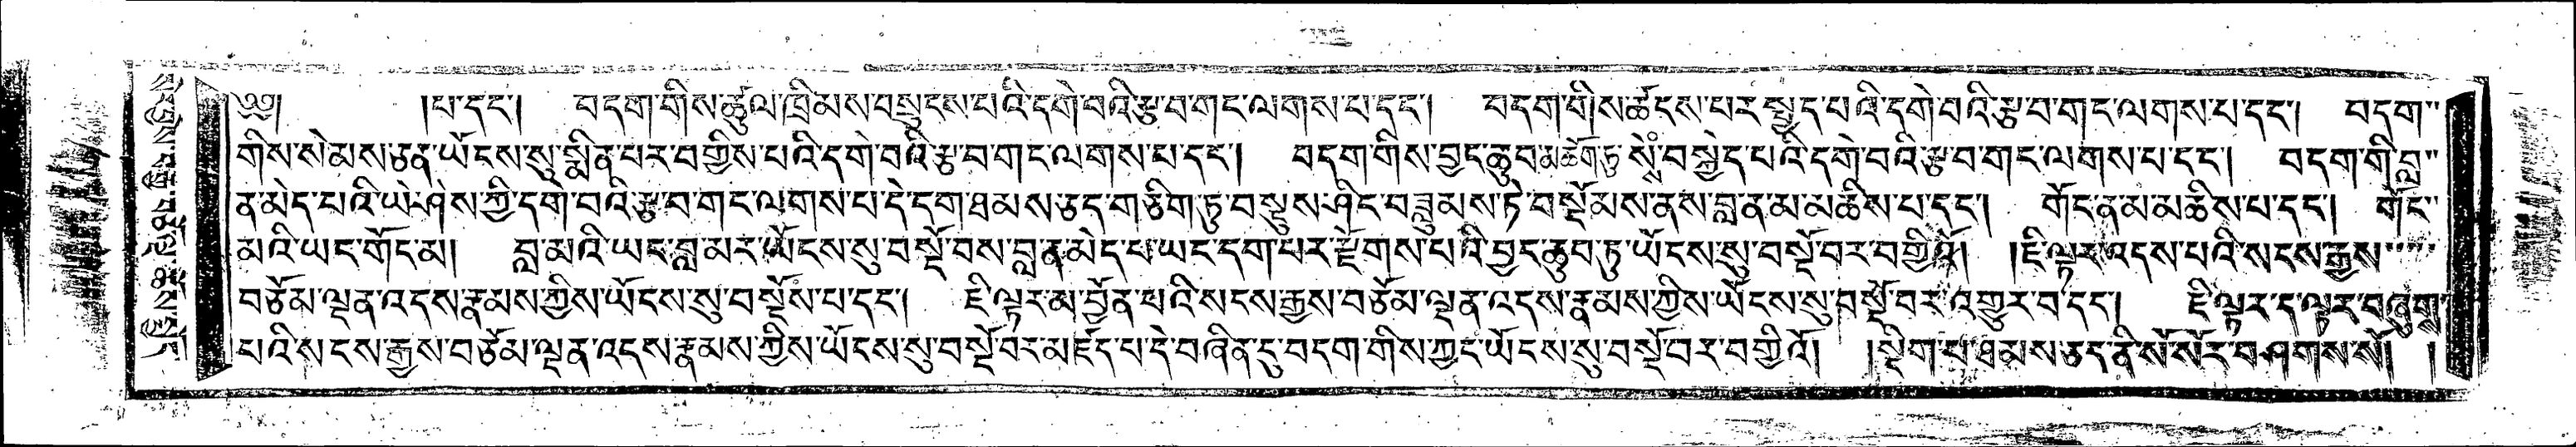༄༅། །པ་དང་། བདག་གིས་ཚུལ་ཁྲིམས་བསྲུངས་པའི་དགེ་བའི་རྩ་བ་གང་ལགས་པ་དང་། བདག་གིས་ཚངས་པར་སྤྱད་པའི་དགེ་བའི་རྩ་བ་གང་ལགས་པ་དང་། བདག་
གིས་སེམས་ཅན་ཡོངས་སུ་སྨིན་པར་བགྱིས་པའི་དགེ་བའི་རྩ་བ་གང་ལགས་པ་དང་། བདག་གིས་བྱང་ཆུབ་མཆོག་ཏུ་སེམས་བསྐྱེད་པའི་དགེ་བའི་རྩ་བ་གང་ལགས་པ་དང་། བདག་གི་བླ་
ན་མེད་པའི་ཡེ་ཤེས་ཀྱི་དགེ་བའི་རྩ་བ་གང་ལགས་པ་དེ་དག་ཐམས་ཅད་གཅིག་ཏུ་བསྡུས་ཤིང་བཟླུམས་ཏེ་བསྡོམས་ནས་བླ་ན་མ་མཆིས་པ་དང་། གོང་ན་མ་མཆིས་པ་དང་། གོང་
མའི་ཡང་གོང་མ། བླ་མའི་ཡང་བླ་མར་ཡོངས་སུ་བསྔོ་བས་བླ་ན་མེད་པ་ཡང་དག་པར་རྫོགས་པའི་བྱང་ཆུབ་ཏུ་ཡོངས་སུ་བསྔོ་བར་བགྱིའོ། །ཇི་ལྟར་འདས་པའི་སངས་རྒྱས་
བཅོམ་ལྡན་འདས་རྣམས་ཀྱིས་ཡོངས་སུ་བསྔོས་པ་དང་། ཇི་ལྟར་མ་བྱོན་པའི་སངས་རྒྱས་བཅོམ་ལྡན་འདས་རྣམས་ཀྱིས་ཡོངས་སུ་བསྔོ་བར་འགྱུར་བ་དང་། ཇི་ལྟར་ད་ལྟར་བཞུགས་
པའི་སངས་རྒྱས་བཅོམ་ལྡན་འདས་རྣམས་ཀྱིས་ཡོངས་སུ་བསྔོ་བར་མཛད་པ་དེ་བཞིན་དུ་བདག་གིས་ཀྱང་ཡོངས་སུ་བསྔོ་བར་བགྱིའོ། །སྡིག་པ་ཐམས་ཅད་ནི་སོ་སོར་བཤགས་སོ།